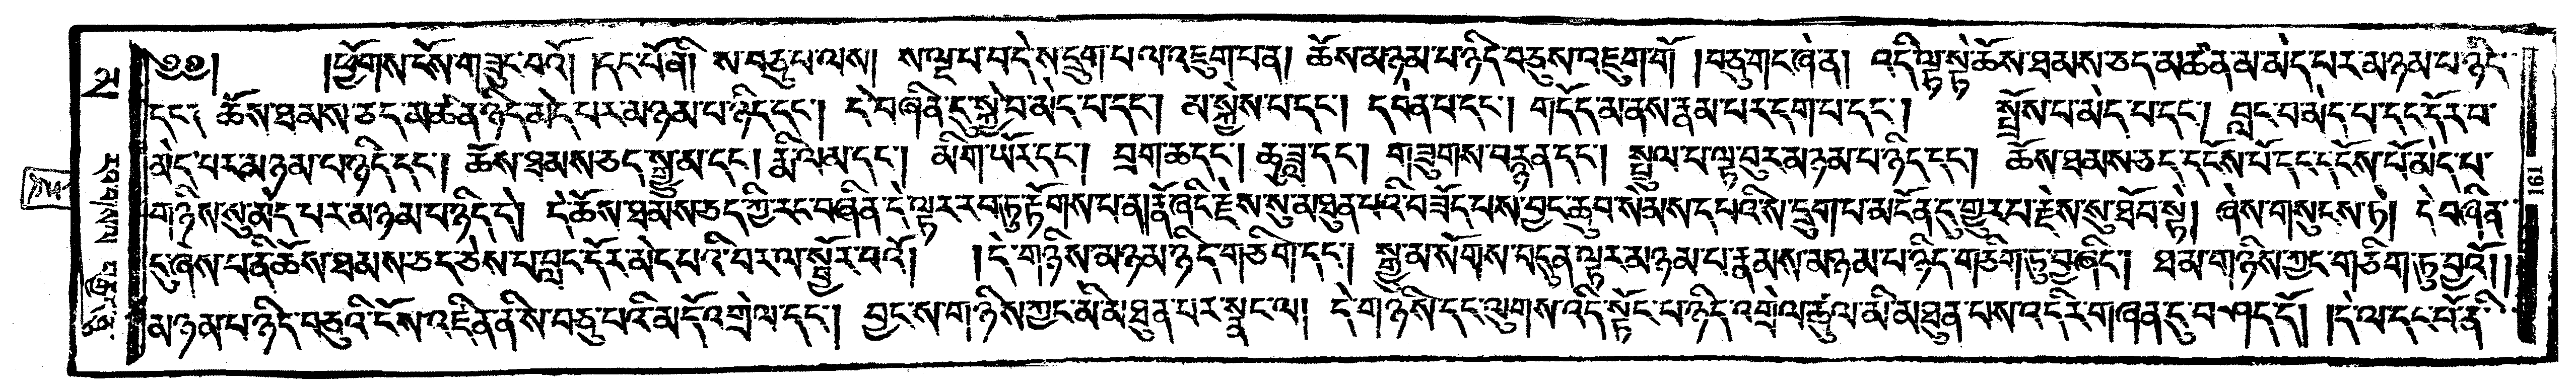༄༅། །ཕྱོགས་ངོས་གཟུང་བའོ། །དང་པོ་ནི། ས་བཅུ་པ་ལས། ས་ལྔ་པ་བ་དེ་ས་དྲུག་པ་ལ་འཇུག་པ་ན། ཆོས་མཉམ་པ་ཉིད་བཅུས་འཇུག་གོ །བཅུ་གང་ཞེ་ན། འདི་ལྟ་སྟེ་ཆོས་ཐམས་ཅད་མཚན་མ་མེད་པར་མཉམ་པ་ཉིད་
དང༑ ཆོས་ཐམས་ཅད་མཚན་ཉིད་མེད་པར་མཉམ་པ་ཉིད་དང་། དེ་བཞིན་དུ་སྐྱེ་བ་མེད་པ་དང་། མ་སྐྱེས་པ་དང་། དབེན་པ་དང་། གདོད་མ་ནས་རྣམ་པར་དག་པ་དང་། སྤྲོས་པ་མེད་པ་དང་། བླང་བ་མེད་པ་དང་དོར་བ་
མེད་པར་མཉམ་པ་ཉིད་དང་། ཆོས་ཐམས་ཅད་སྒྱུ་མ་དང་། རྨི་ལམ་དང་། མིག་ཡོར་དང་། བྲག་ཆ་དང་། ཆུ་ཟླ་དང་། གཟུགས་བརྙན་དང་། སྤྲུལ་པ་ལྟ་བུར་མཉམ་པ་ཉིད་དང་། ཆོས་ཐམས་ཅད་དངོས་པོ་དང་དངོས་པོ་མེད་པ་
གཉིས་སུ་མེད་པར་མཉམ་པ་ཉིད་དེ། དེ་ཆོས་ཐམས་ཅད་ཀྱི་རང་བཞིན་དེ་ལྟར་རབ་ཏུ་རྟོགས་པ་ན། རྣོ་ཞིང་རྗེས་སུ་མཐུན་པའི་བཟོད་པས་བྱང་ཆུབ་སེམས་དཔའི་ས་དྲུག་པ་མངོན་དུ་གྱུར་པ་རྗེས་སུ་ཐོབ་སྟེ། ཞེས་གསུངས་ཏེ། དེ་བཞིན་
དུ་ཞེས་པ་ནི་ཆོས་ཐམས་ཅད་ཅེས་པ་བླང་དོར་མེད་པའི་བར་ལ་སྦྱོར་བའོ། །དེ་གཉིས་མཉམ་ཉིད་གཅིག་དང་། སྒྱུ་མ་སོགས་བདུན་ལྟར་མཉམ་པ་རྣམས་མཉམ་པ་ཉིད་གཅིག་ཏུ་བྱ་ཞིང་། ཐ་མ་གཉིས་ཀྱང་གཅིག་ཏུ་བྱའོ།།
མཉམ་པ་ཉིད་བཅུའི་ངོས་འཛིན་ནི་ས་བཅུ་པའི་མདོ་འགྲེལ་དང་། བྱང་ས་གཉིས་ཀྱང་མི་མཐུན་པར་སྣང་ལ། དེ་གཉིས་དང་ལུགས་འདི་སྟོང་པ་ཉིད་འགྲེལ་ཚུལ་མི་མཐུན་པས་འདིར་གཞན་དུ་བཤད་དོ། །དེ་ལ་དང་པོ་ནི་